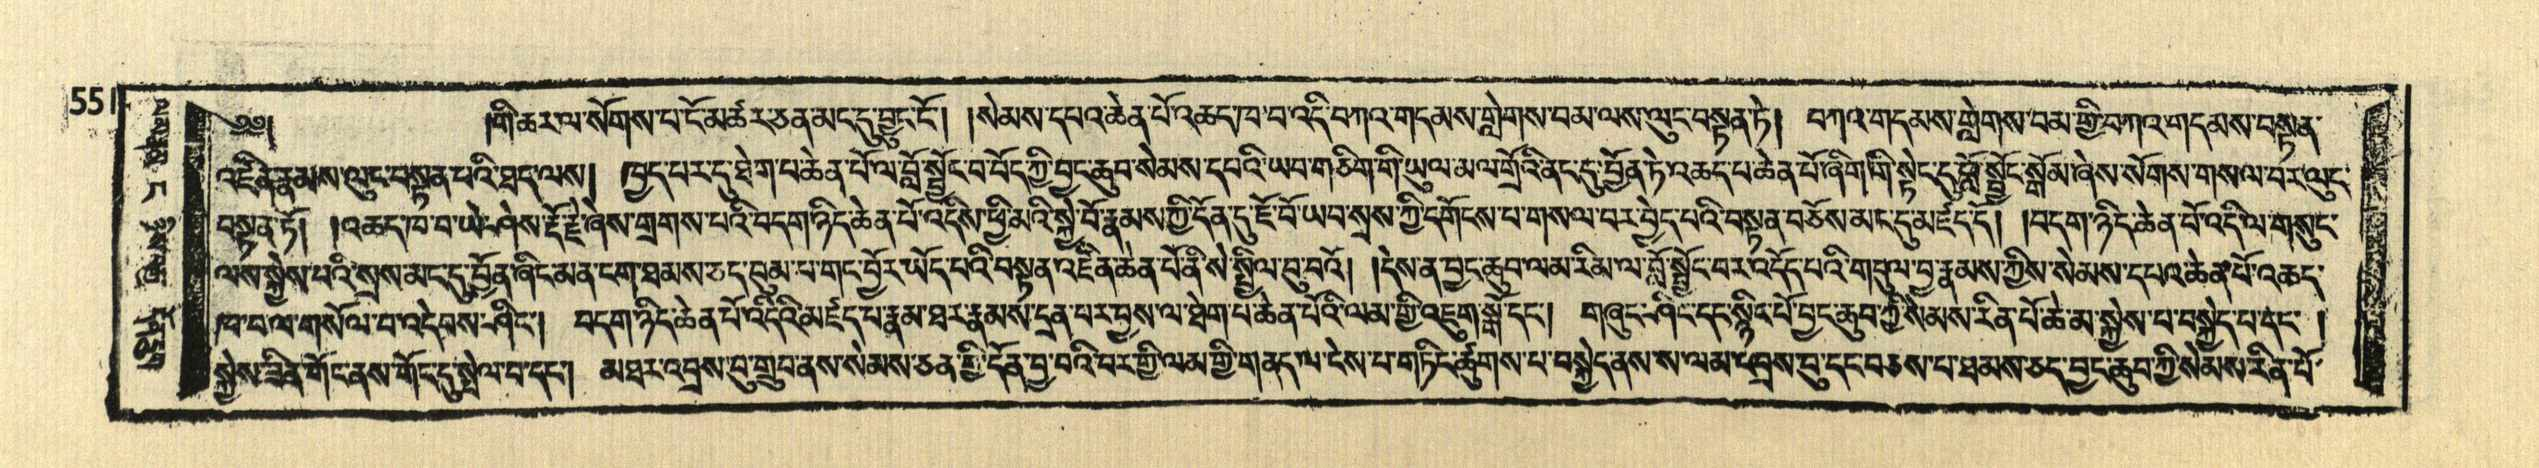༄༅། །གི་ཆར་ལ་སོགས་པ་ངོ་མཚར་ཅན་མང་དུ་བྱུང་ངོ། །སེམས་དཔའ་ཆེན་པོ་འཆད་ཁ་བ་འདི་བཀའ་གདམས་གླེགས་བམ་ལས་ལུང་བསྟན་ཏེ། བཀའ་གདམས་གླེགས་བམ་གྱི་བཀའ་གདམས་བསྟན་
འཛིན་རྣམས་ལུང་བསྟན་པའི་ཐད་ལས། ཁྱད་པར་དུ་ཐེག་པ་ཆེན་པོ་ལ་བློ་སྦྱོང་བ་བོད་ཀྱི་བྱང་ཆུབ་སེམས་དཔའི་ཡབ་གཅིག་གི་ཡུལ་མལ་གྲོའི་ནང་དུ་བྱོན་ཏེ་འཆད་པ་ཆེན་པོ་ཞིག་གི་སྟེང་དུ་བློ་སྦྱོང་སྒོམ་ཞེས་སོགས་གསལ་བར་ལུང་
བསྟན་ཏོ། །འཆད་ཁ་བ་ཡེ་ཤེས་རྡོ་རྗེ་ཞེས་གྲགས་པའི་བདག་ཉིད་ཆེན་པོ་འདིས་ཕྱི་མའི་སྐྱེ་བོ་རྣམས་ཀྱི་དོན་དུ་ཇོ་བོ་ཡབ་སྲས་ཀྱི་དགོངས་པ་གསལ་བར་བྱེད་པའི་བསྟན་བཅོས་མང་དུ་མཛད་དོ། །བདག་ཉིད་ཆེན་པོ་འདི་ལ་གསུང་
ལས་སྐྱེས་པའི་སྲས་མང་དུ་བྱོན་ཞིང་མན་ངག་ཐམས་ཅད་བུམ་པ་གང་བྱོར་ཡོད་པའི་བསྟན་འཛིན་ཆེན་པོ་ནི་སེ་སྤྱིལ་བུ་བའོ། །དེས་ན་བྱང་ཆུབ་ལམ་རིམ་ལ་བློ་སྦྱོང་བར་འདོད་པའི་གདུལ་བྱ་རྣམས་ཀྱིས་སེམས་དཔའ་ཆེན་པོ་འཆད་
ཁ་བ་ལ་གསོལ་བ་འདེབས་ཤིང་། བདག་ཉིད་ཆེན་པོ་འདིའི་མཛད་པ་རྣམ་ཐར་རྣམས་དྲན་པར་བྱས་ལ་ཐེག་པ་ཆེན་པོའི་ལམ་གྱི་འཇུག་སྒོ་དང་། གཞུང་ཤིང་དང་སྙིང་པོ་བྱང་ཆུབ་ཀྱི་སེམས་རིན་པོ་ཆེ་མ་སྐྱེས་པ་བསྐྱེད་པ་དང་།
སྐྱེས་ཟིན་གོང་ནས་གོང་དུ་སྤེལ་བ་དང་། མཐར་འབྲས་བུ་གྲུབ་ནས་སེམས་ཅན་གྱི་དོན་བྱ་བའི་བར་གྱི་ལམ་གྱི་གནད་ལ་ངེས་པ་གཏིང་ཚུགས་པ་བསྐྱེད་ནས་ས་ལམ་འབྲས་བུ་དང་བཅས་པ་ཐམས་ཅད་བྱང་ཆུབ་ཀྱི་སེམས་རིན་པོ་